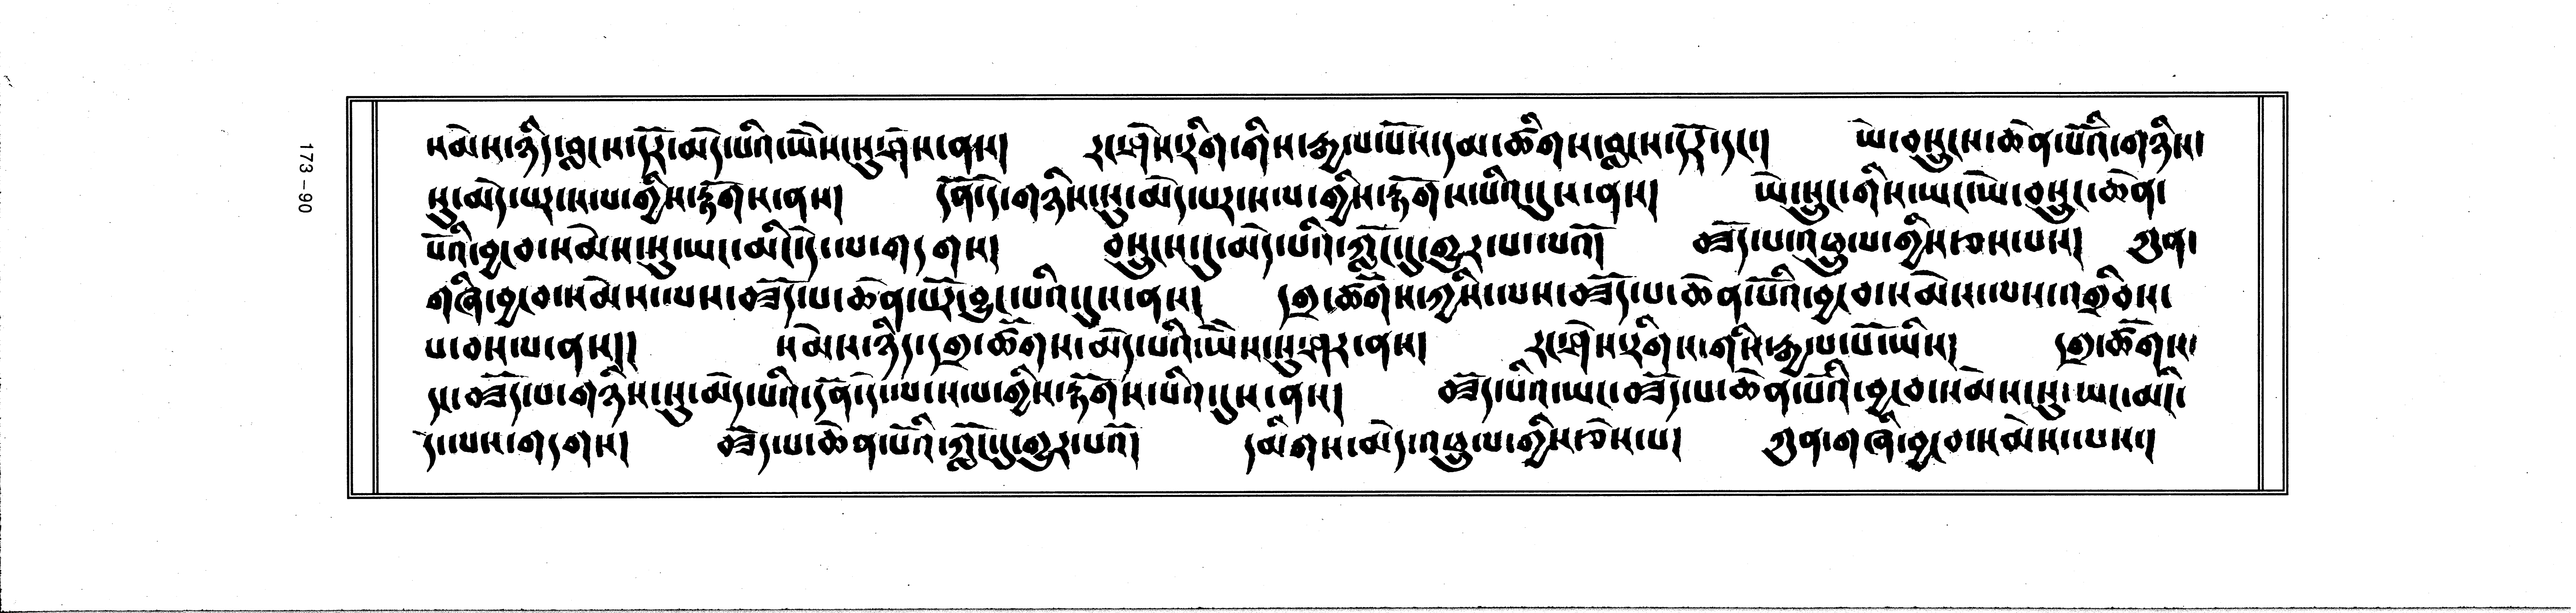སེམས་ཉིད་བླང་དོར་མེད་པའི་ཡེ་ཤེས་སུ་ཤེས་ནས། རང་ཤེས་རིག་གི་རྒྱལ་པོས་དམ་ཚིག་བླང་དོར་དང་། ཡེ་བསྲུང་ཆེན་པོ་གཉིས་
སུ་མེད་པར་སལ་གྱིས་རྟོགས་ནས། དོན་དེ་གཉིས་སུ་མེད་པར་སལ་གྱིས་རྟོགས་པའི་དུས་ནས། ཡེ་སྲུང་གིས་ཡང་ཡེ་སྲུང་ཆེན་
པོའི་བྱང་ཆུབ་སེམས་སུ་ཡང་མིང་དེ་ལ་གདགས། བསྲུངས་དུ་མེད་པའི་ཀློང་དུ་གྱུར་པ་ལའོ། །བཟོད་པ་འཕྲུལ་གྱིས་ཅེས་པས། ཀུན་
གཞི་བྱང་ཆུབ་སེམས་ལས་བཟོད་པ་ཆེན་པོར་བྱུང་བའི་དུས་ནས། དགྲ་ཚོགས་ཀྱིས་ལས་བཟོད་པ་ཆེན་པོའི་བྱང་ཆུབ་སེམས་ལས་འགྲིབ་
པ་བསལ་ནས། སེམས་ཉིད་དགྲ་ཚོགས་མེད་པའི་ཡེ་ཤེས་སུ་ཤར་ནས། རང་ཤེས་རིག་གི་རྒྱལ་པོ་ཡིས། དགྲ་ཚོགས་
དང་བཟོད་པ་གཉིས་སུ་མེད་པའི་དོན་དེ་ལ་སལ་གྱིས་རྟོགས་པའི་དུས་ནས། བཟོད་པའི་ཡང་བཟོད་པ་ཆེན་པོའི་བྱང་ཆུབ་སེམས་སུ་ཡང་མིང་
དེ་ལས་གདགས། བཟོད་པ་ཆེན་པོའི་ཀློང་དུ་གྱུར་པའོ། །དམིགས་མེད་འཕྲུལ་གྱིས་ཅེས་པ། ཀུན་གཞི་བྱང་ཆུབ་ཀྱི་སེམས་ལས་